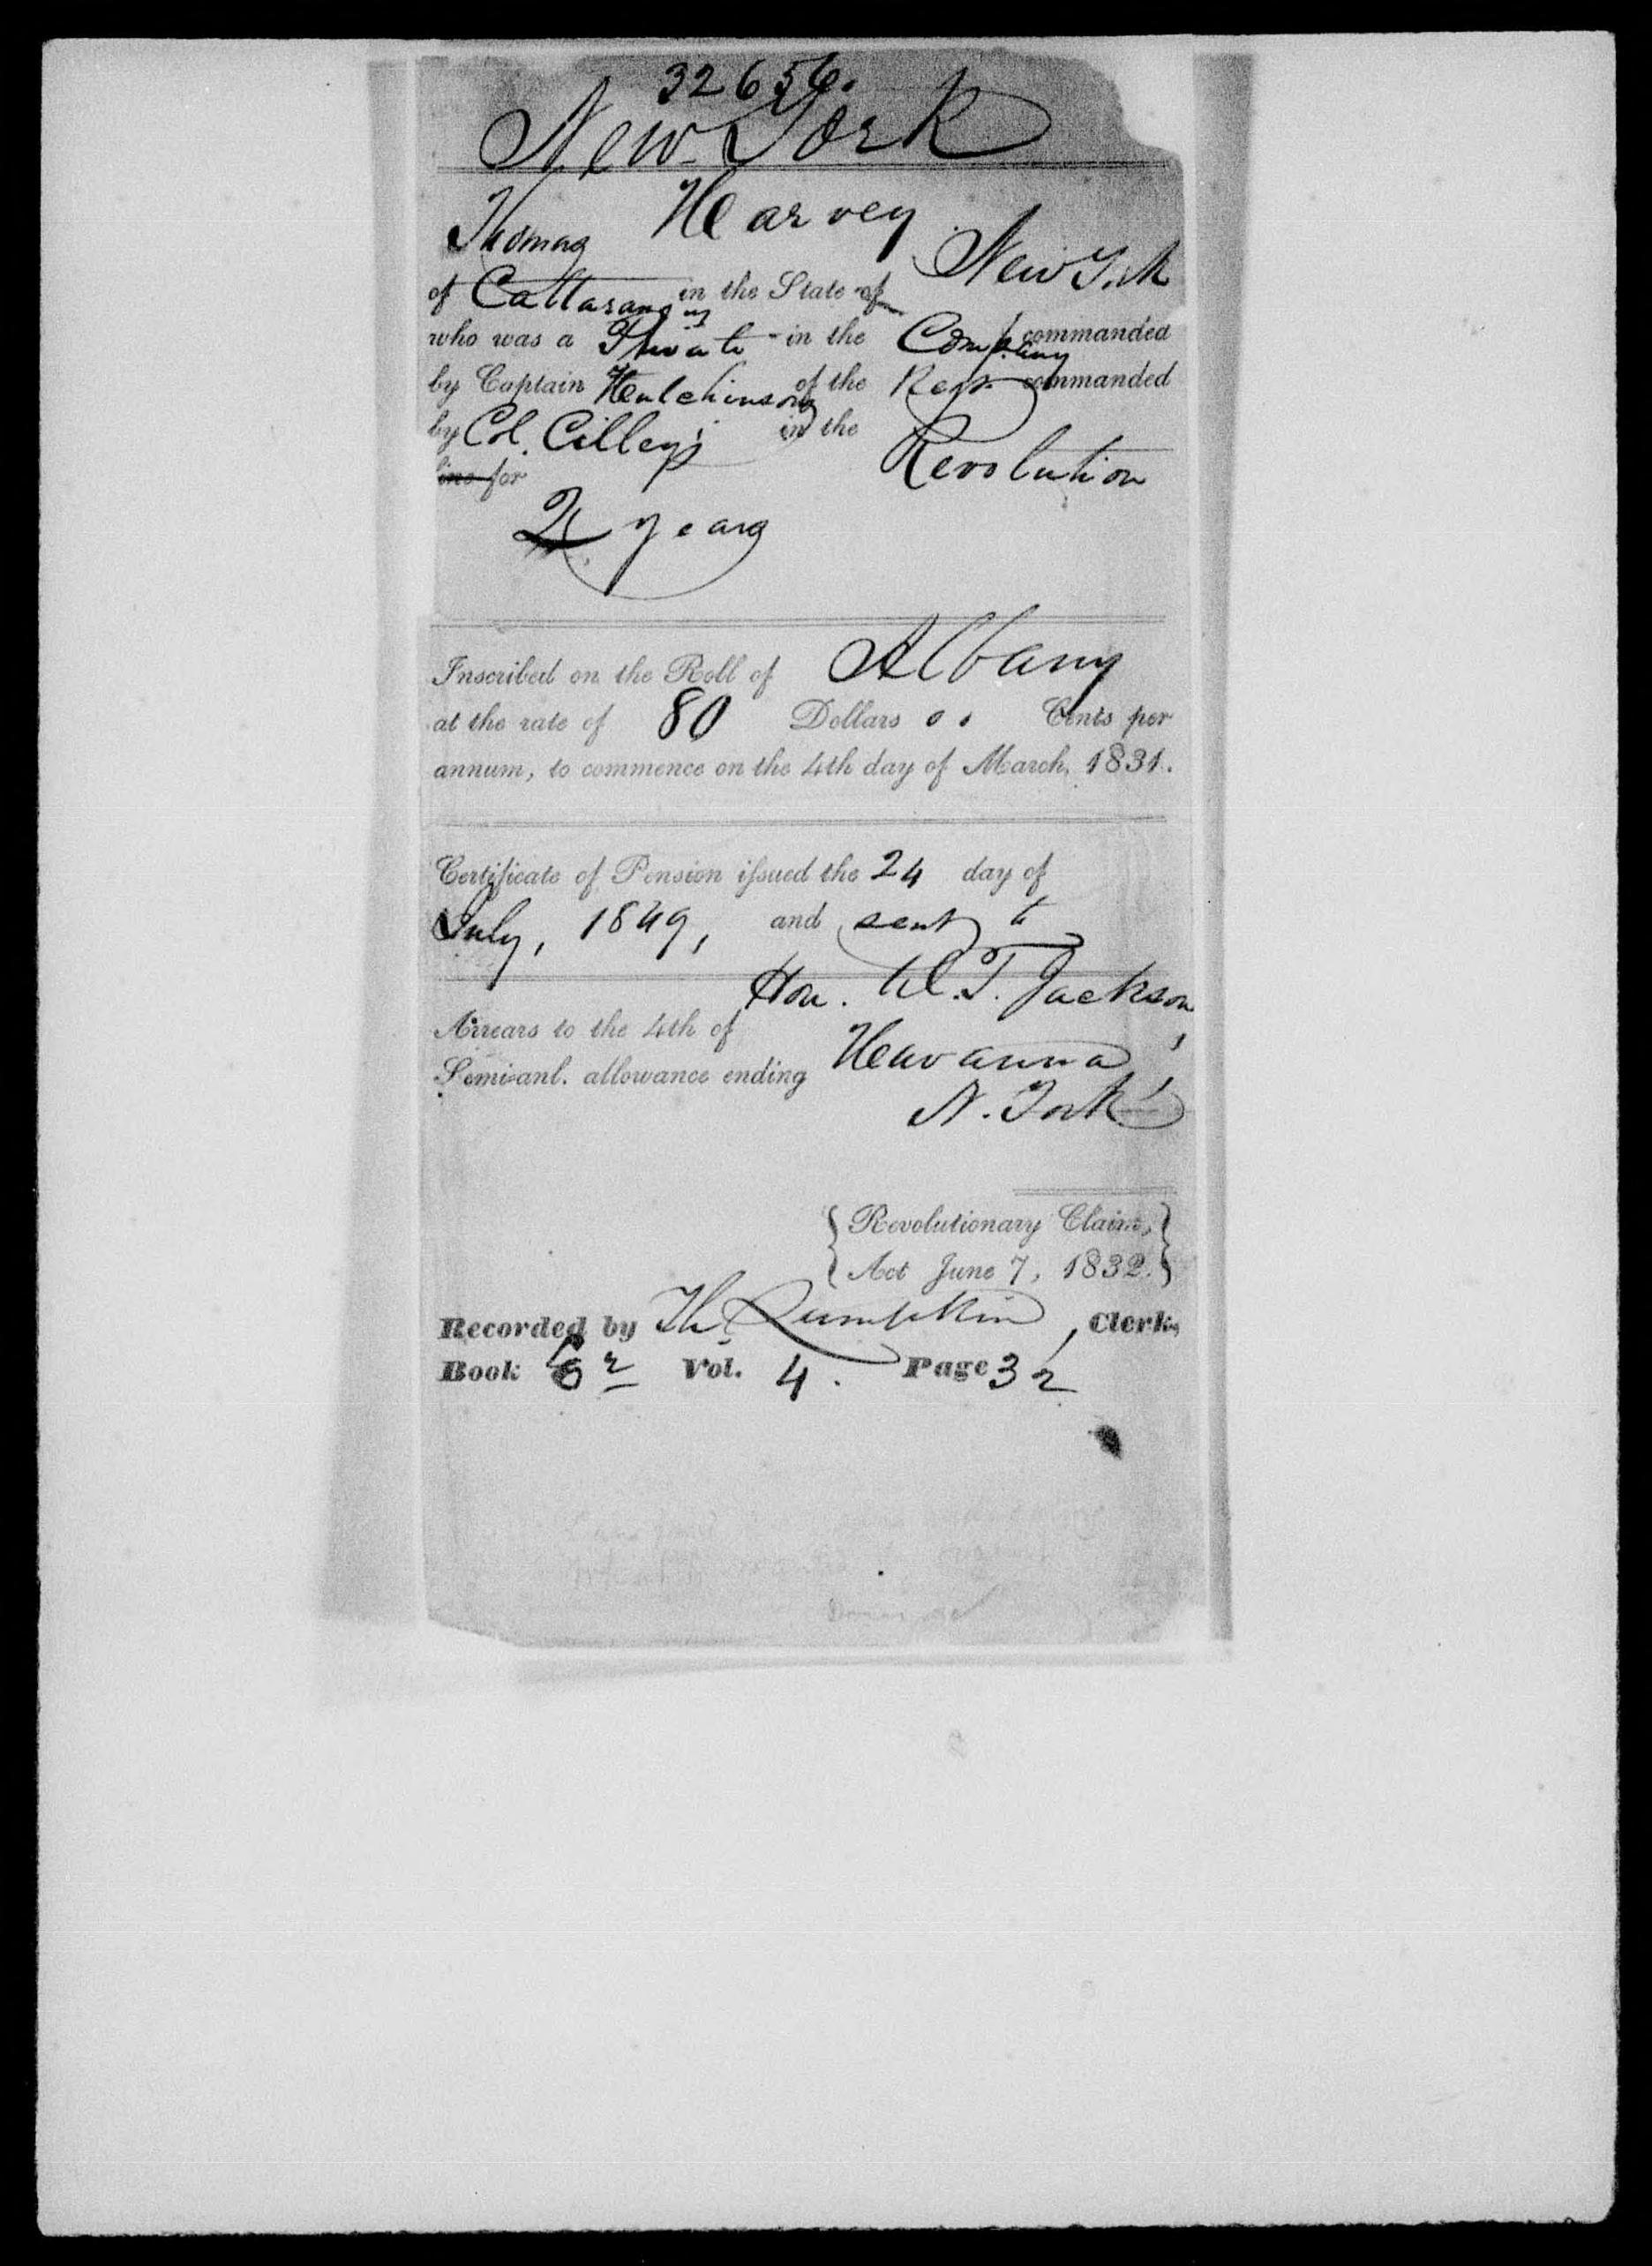32656.
New York
Thomas Harvey of Cattaraugus in the State of New York who was a Private in the Company commanded by Captain Hutchinson of the Regt commanded by Col. Cilley's in the ['line' crossed out] Revolution for 2 years
Inscribed on the Roll of Albany at the rate of 80 Dollars 00 Cents per annum, to commence on the 4th day of March, 1831. 
Certificate of Pension issued the 24 day of July, 1849, and sent to Hon. W. T. Jackson, Havanna (Havana), N. York 
Arrears to the 4th of [blank] [blank]
Semi-anl. allowance ending [blank] [blank]
{Revolutionary Claim, Act June 7, 1832}
Recorded by Th. Lumpkin, Clerk,
Book E2 Vol. 4. Page 32.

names: Th Lumpkin, W T Jackson, Hutchinson, Cilley, Thomas Harvey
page: 65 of 80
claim: survivor's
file: S. 18008, Thomas Harvey, N.H.